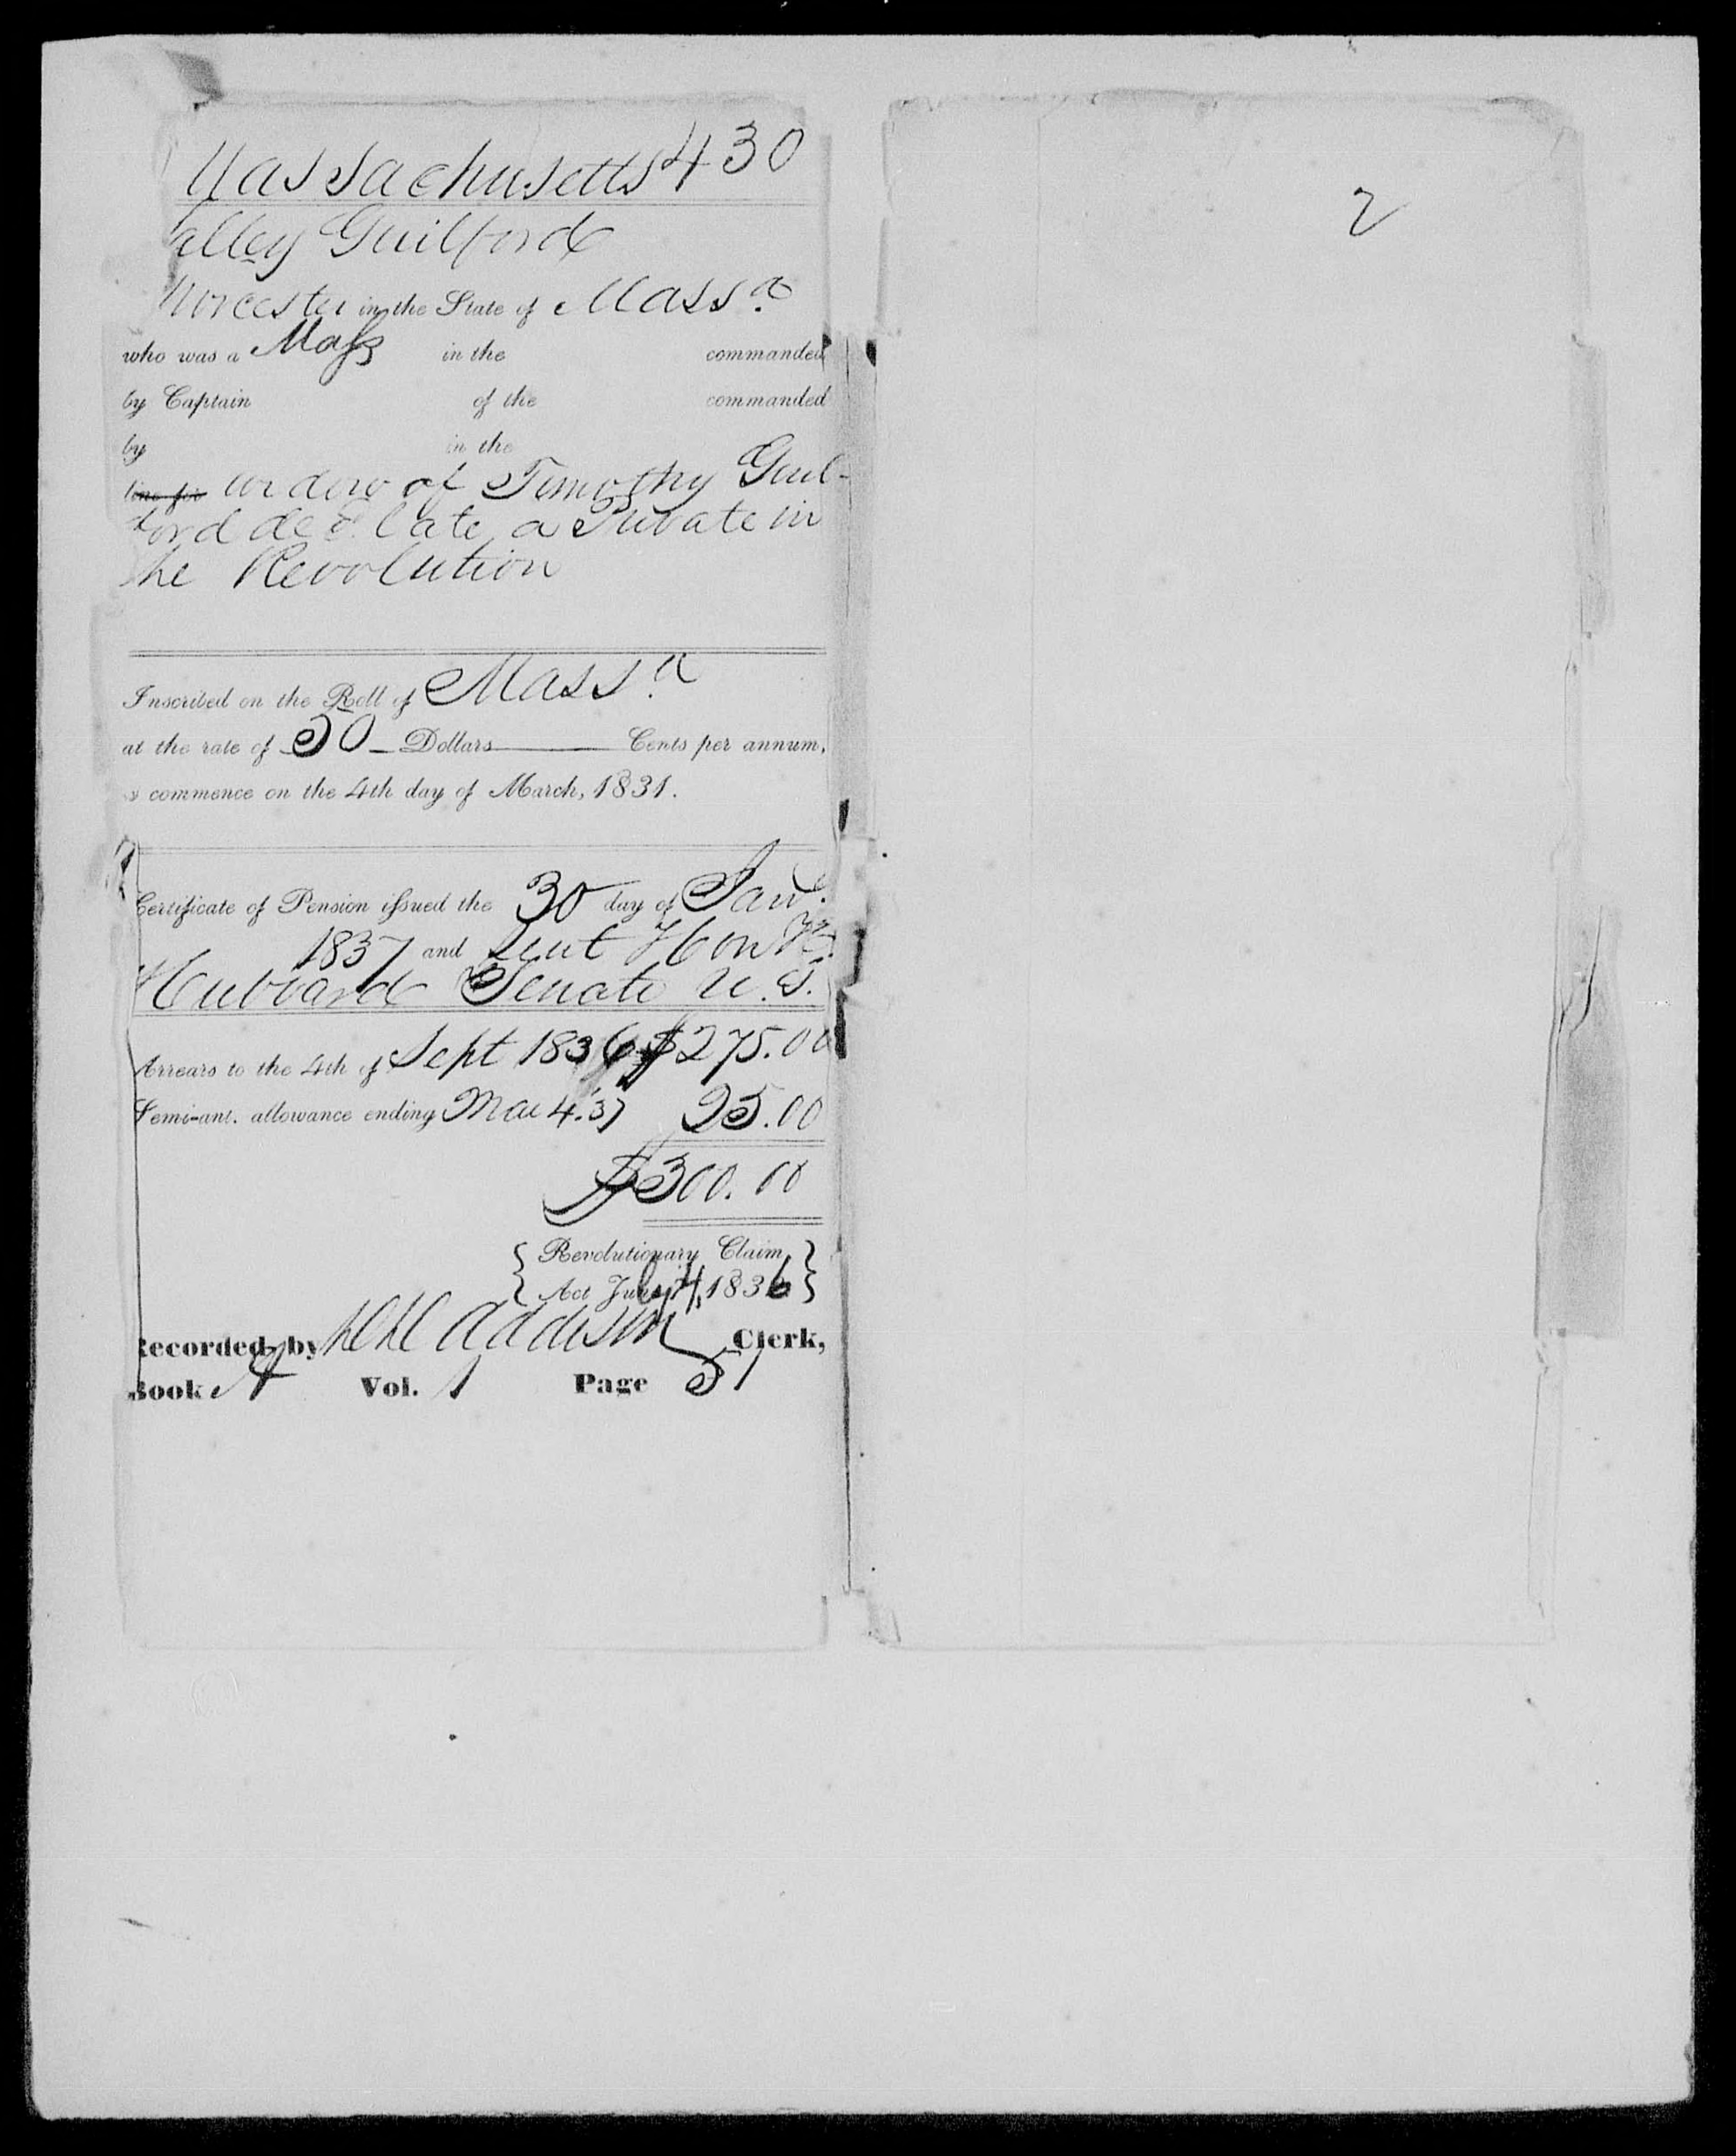Massachusetts 430
Salley Guilford
Worcester in there State of Mass. who was a Maps[?], in the [ left blank] commanded by Captain [left blank] of the [left blank]  commanded by [left blank] in the [left blank] [crossed out words  for] widow of Timothy Guilford dec'd late a Private in the Revolution
Inscribed on the Roll of Mass. at the rate of 50 Dollars [left blank] Cents per annum, to commence on the 4th day of March, 1831.
Certificate of Pension issued the 30 day of Jan. 1837 and sent to Hon [illegible] Senate U.S.
Arrears to the 4th of Sept 1836 $275.00
Semi-an[?]. allowance ending Mar 4.'37 25.00//$300.00// Revolutionary Claim Act July 4, 1836. Recorded by  D D Addison] Book A Vol. 1 Page 51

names: Salley Guilford, D D Addison, Timothy Guilford, H Hubbard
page: 2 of 26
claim: widow's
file: W. 21,238, Timothy Guilford, Mass.